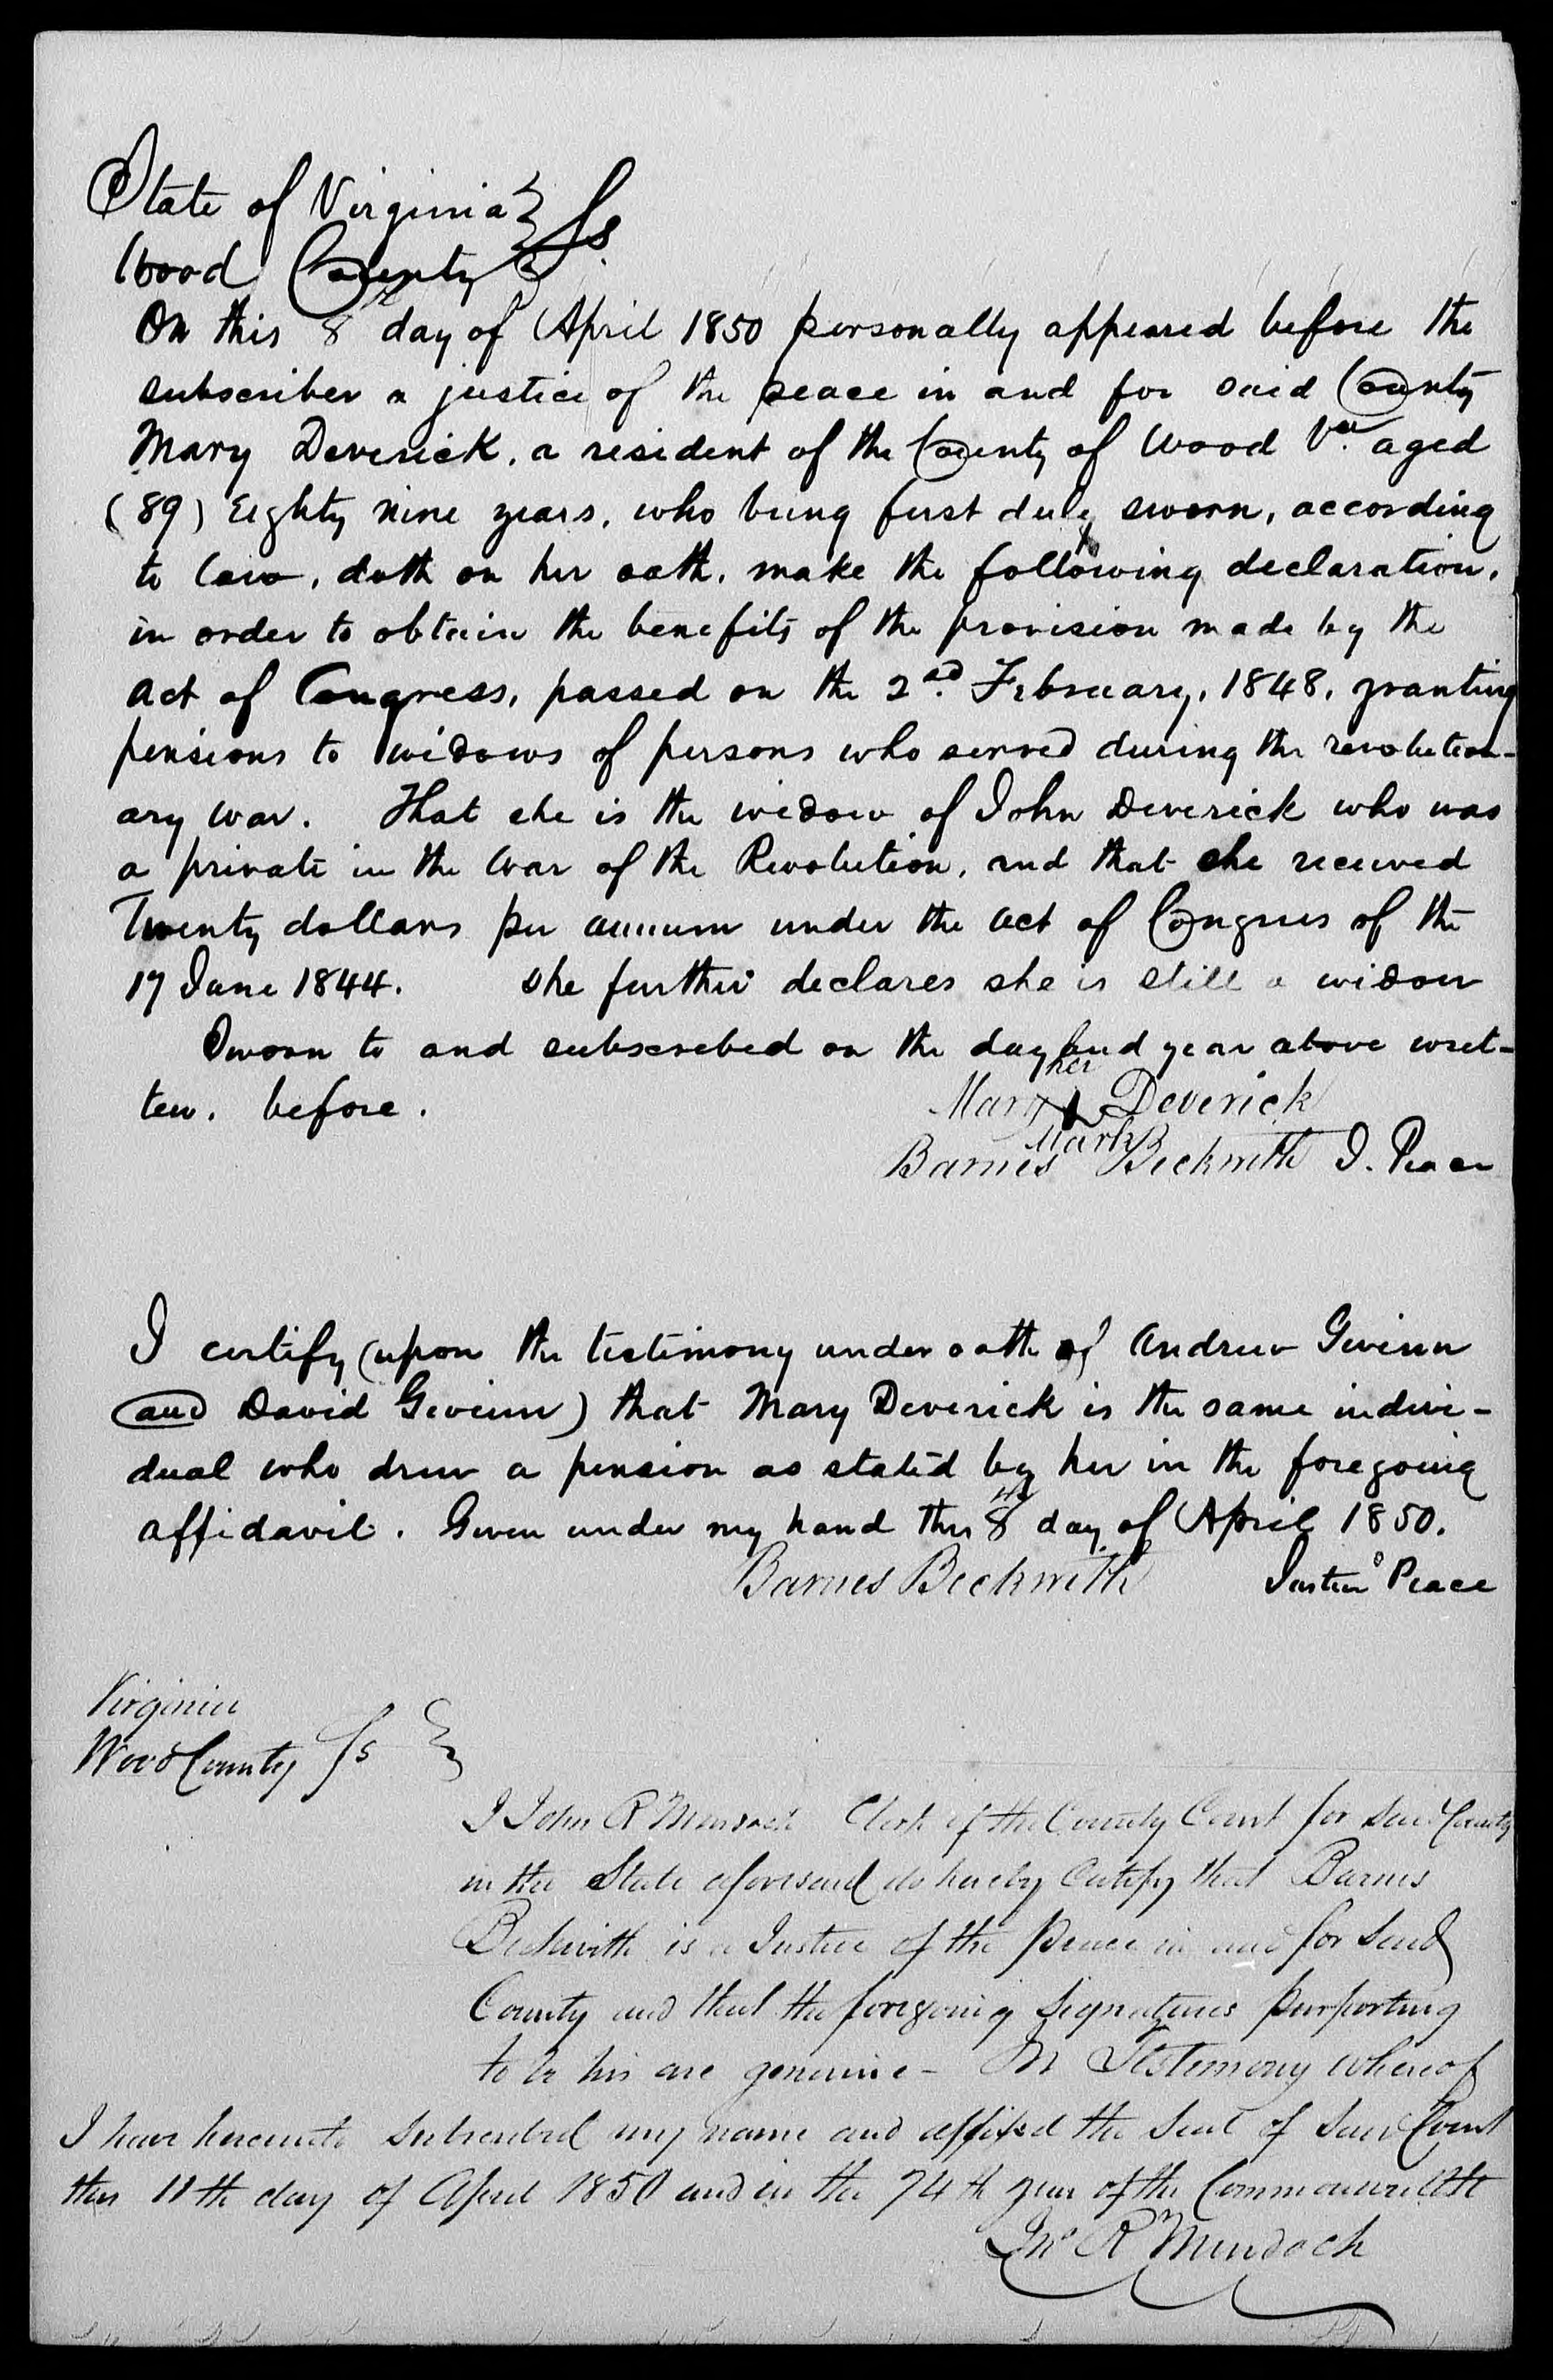State of Virginia
Wood County

On this 8 day of April 1850 personally appeared before the subscriber a justice of the peace in and for [illegible] County Mary Deverick a resident of the County of Wood Va. aged (89) eighty nine years, who being first duly sworn, according to [illegible], doth on her oath, make the following declaration, in order to obtain the benefits of the provision made by the Act of Congress, passed on the 2nd February, 1848, granting pension to widows of persons who served during the revolutionary war. That she is the widow of John Deverick who was a private in the Crew of the Revolution, and that she received Twenty dollars per annum under the act of Congress of the 17 June 1844. She further declares she is still a widow

Sworn to and subscribed on the day and year above written. before.

her
Mary x Deverick
Mark

Barnes Beckwith J. Peace

I certify (upon the testimony under oath of Andrew Guinn and David Guinn) that Mary Deverick is the same individual who drew a pension as stated by her in the foregoing affidavit. Given under my hand this 8 day of April 1850.

Barnes Beckwith Justice Peace

Virginia
Wood County [illegible]
I John R. Mendock Clerk of the County Court for said County in the State aforesaid do hereby Certify that Barnes Beckwith is a Justice of the Peace in an for Said County and that the foregoing Signatures Purporting to be his are genuine - In Testimony whereof I have hereunto subscribed my name and affixed the Seal of such Court this 11th day of April 1850 and in the 74th year of the Commonwealth

Jno R Mendock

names: Mary Deverick, Barnes Beckwith, Andrew Gwinn, Mary Deverick, David Gwinn, Barnes Beckwith, John R Mendock, John Deverick, Mary Deverick, Barnes Beckwith, Jno R Mendock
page: 27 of 35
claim: widow's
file: W 7007, John Devericks, Va.